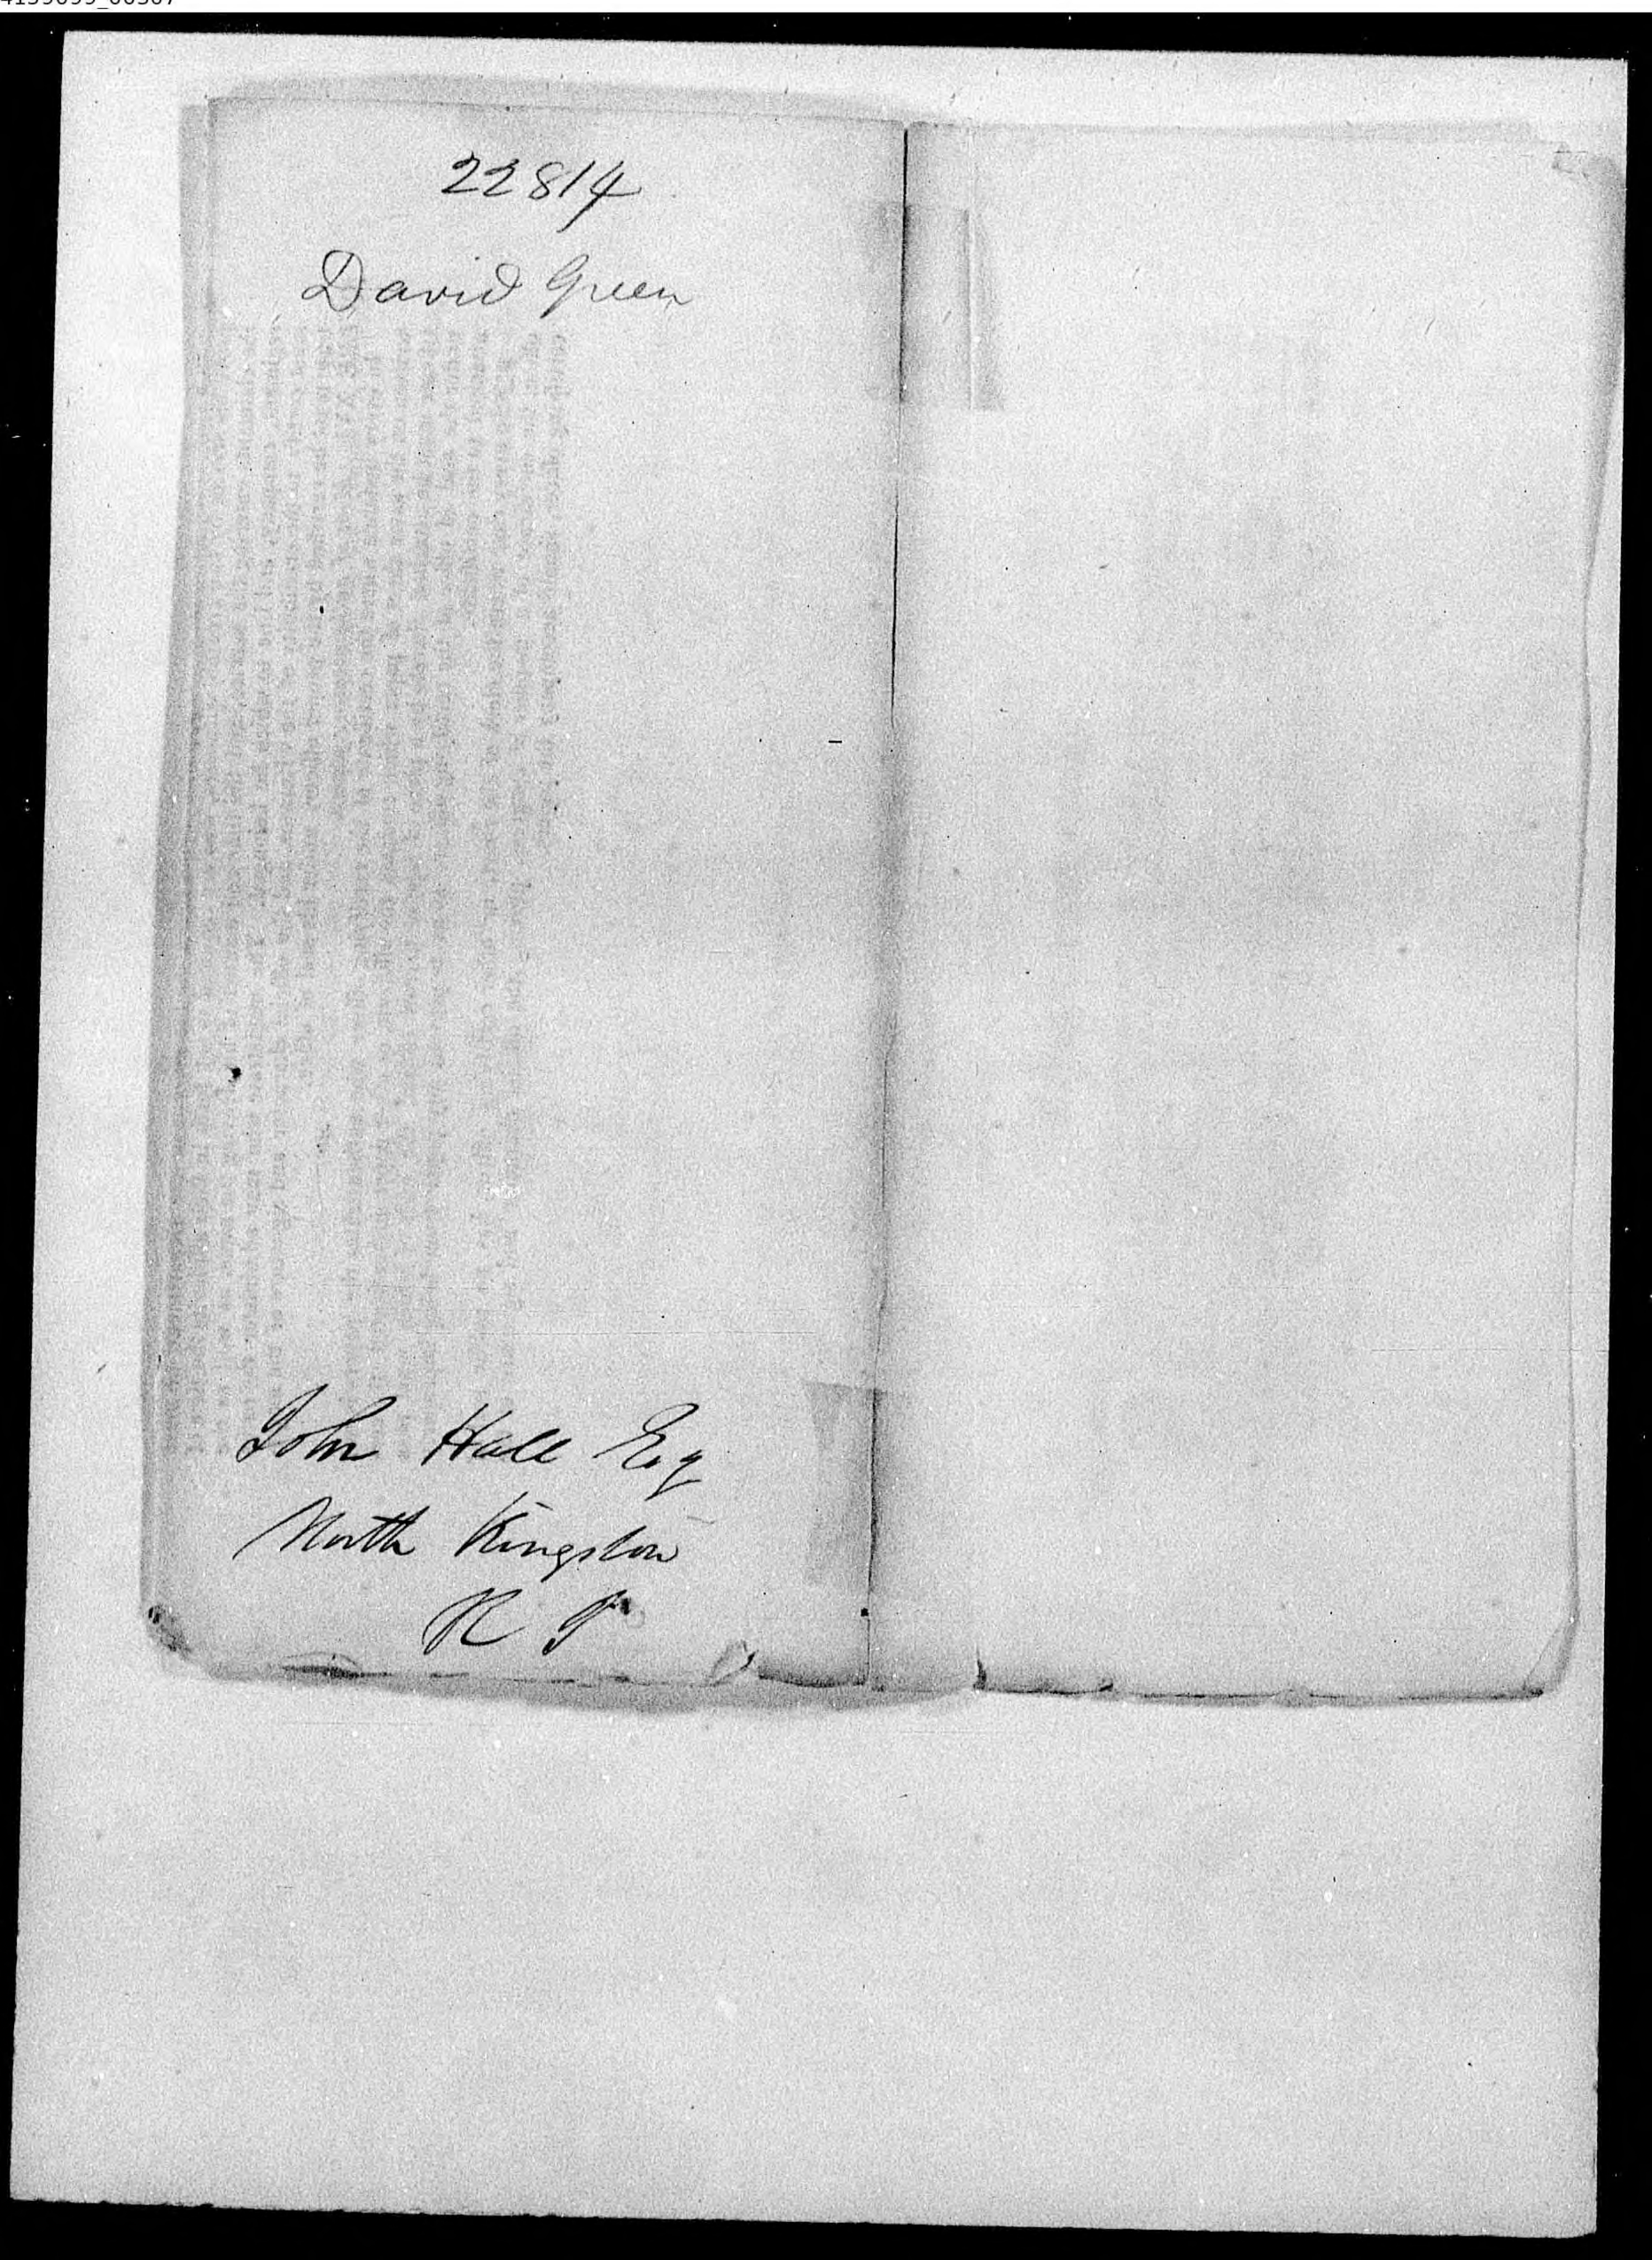22814
David Green
John Hall Esq
North Kingston
RI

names: John Hall, David Green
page: 24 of 27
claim: survivor's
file: S. 21,245, David Greene, R.I.